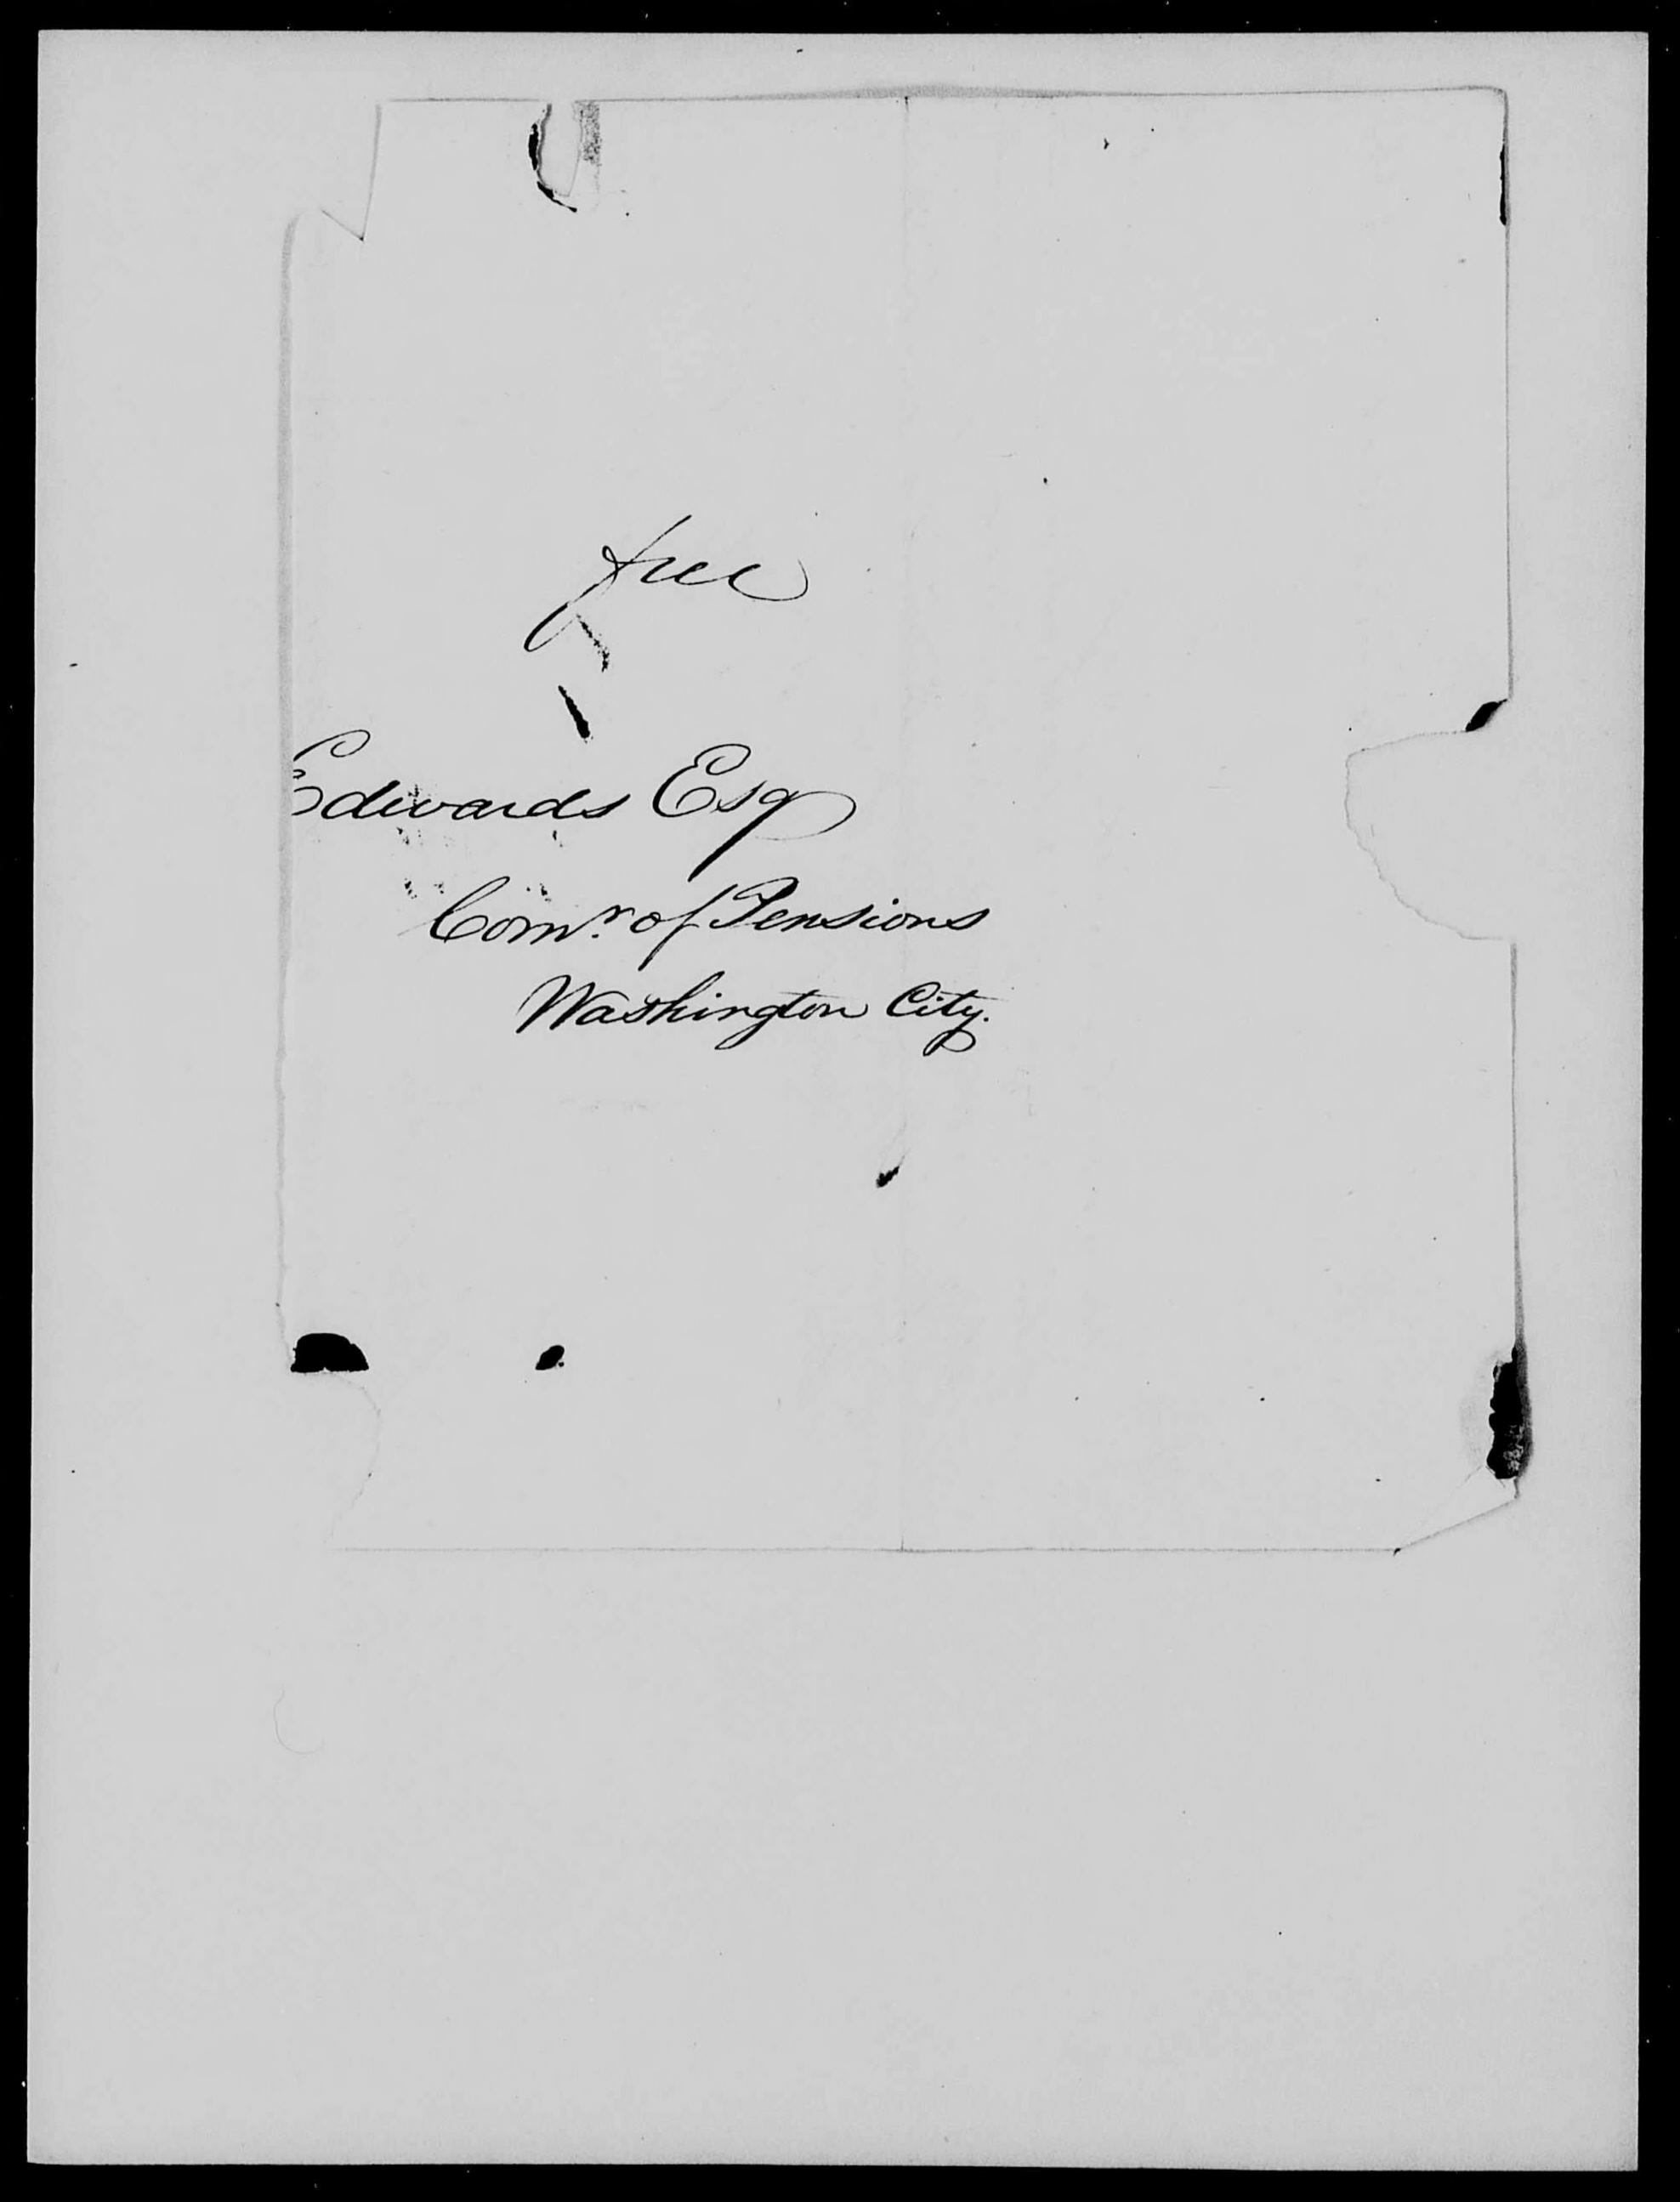Per
Edwards Esq
Com. of Pensions
Washington City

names: [BLANK] Edwards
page: 24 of 27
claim: widow's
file: W. 24,500, for James Leach, Connecticut